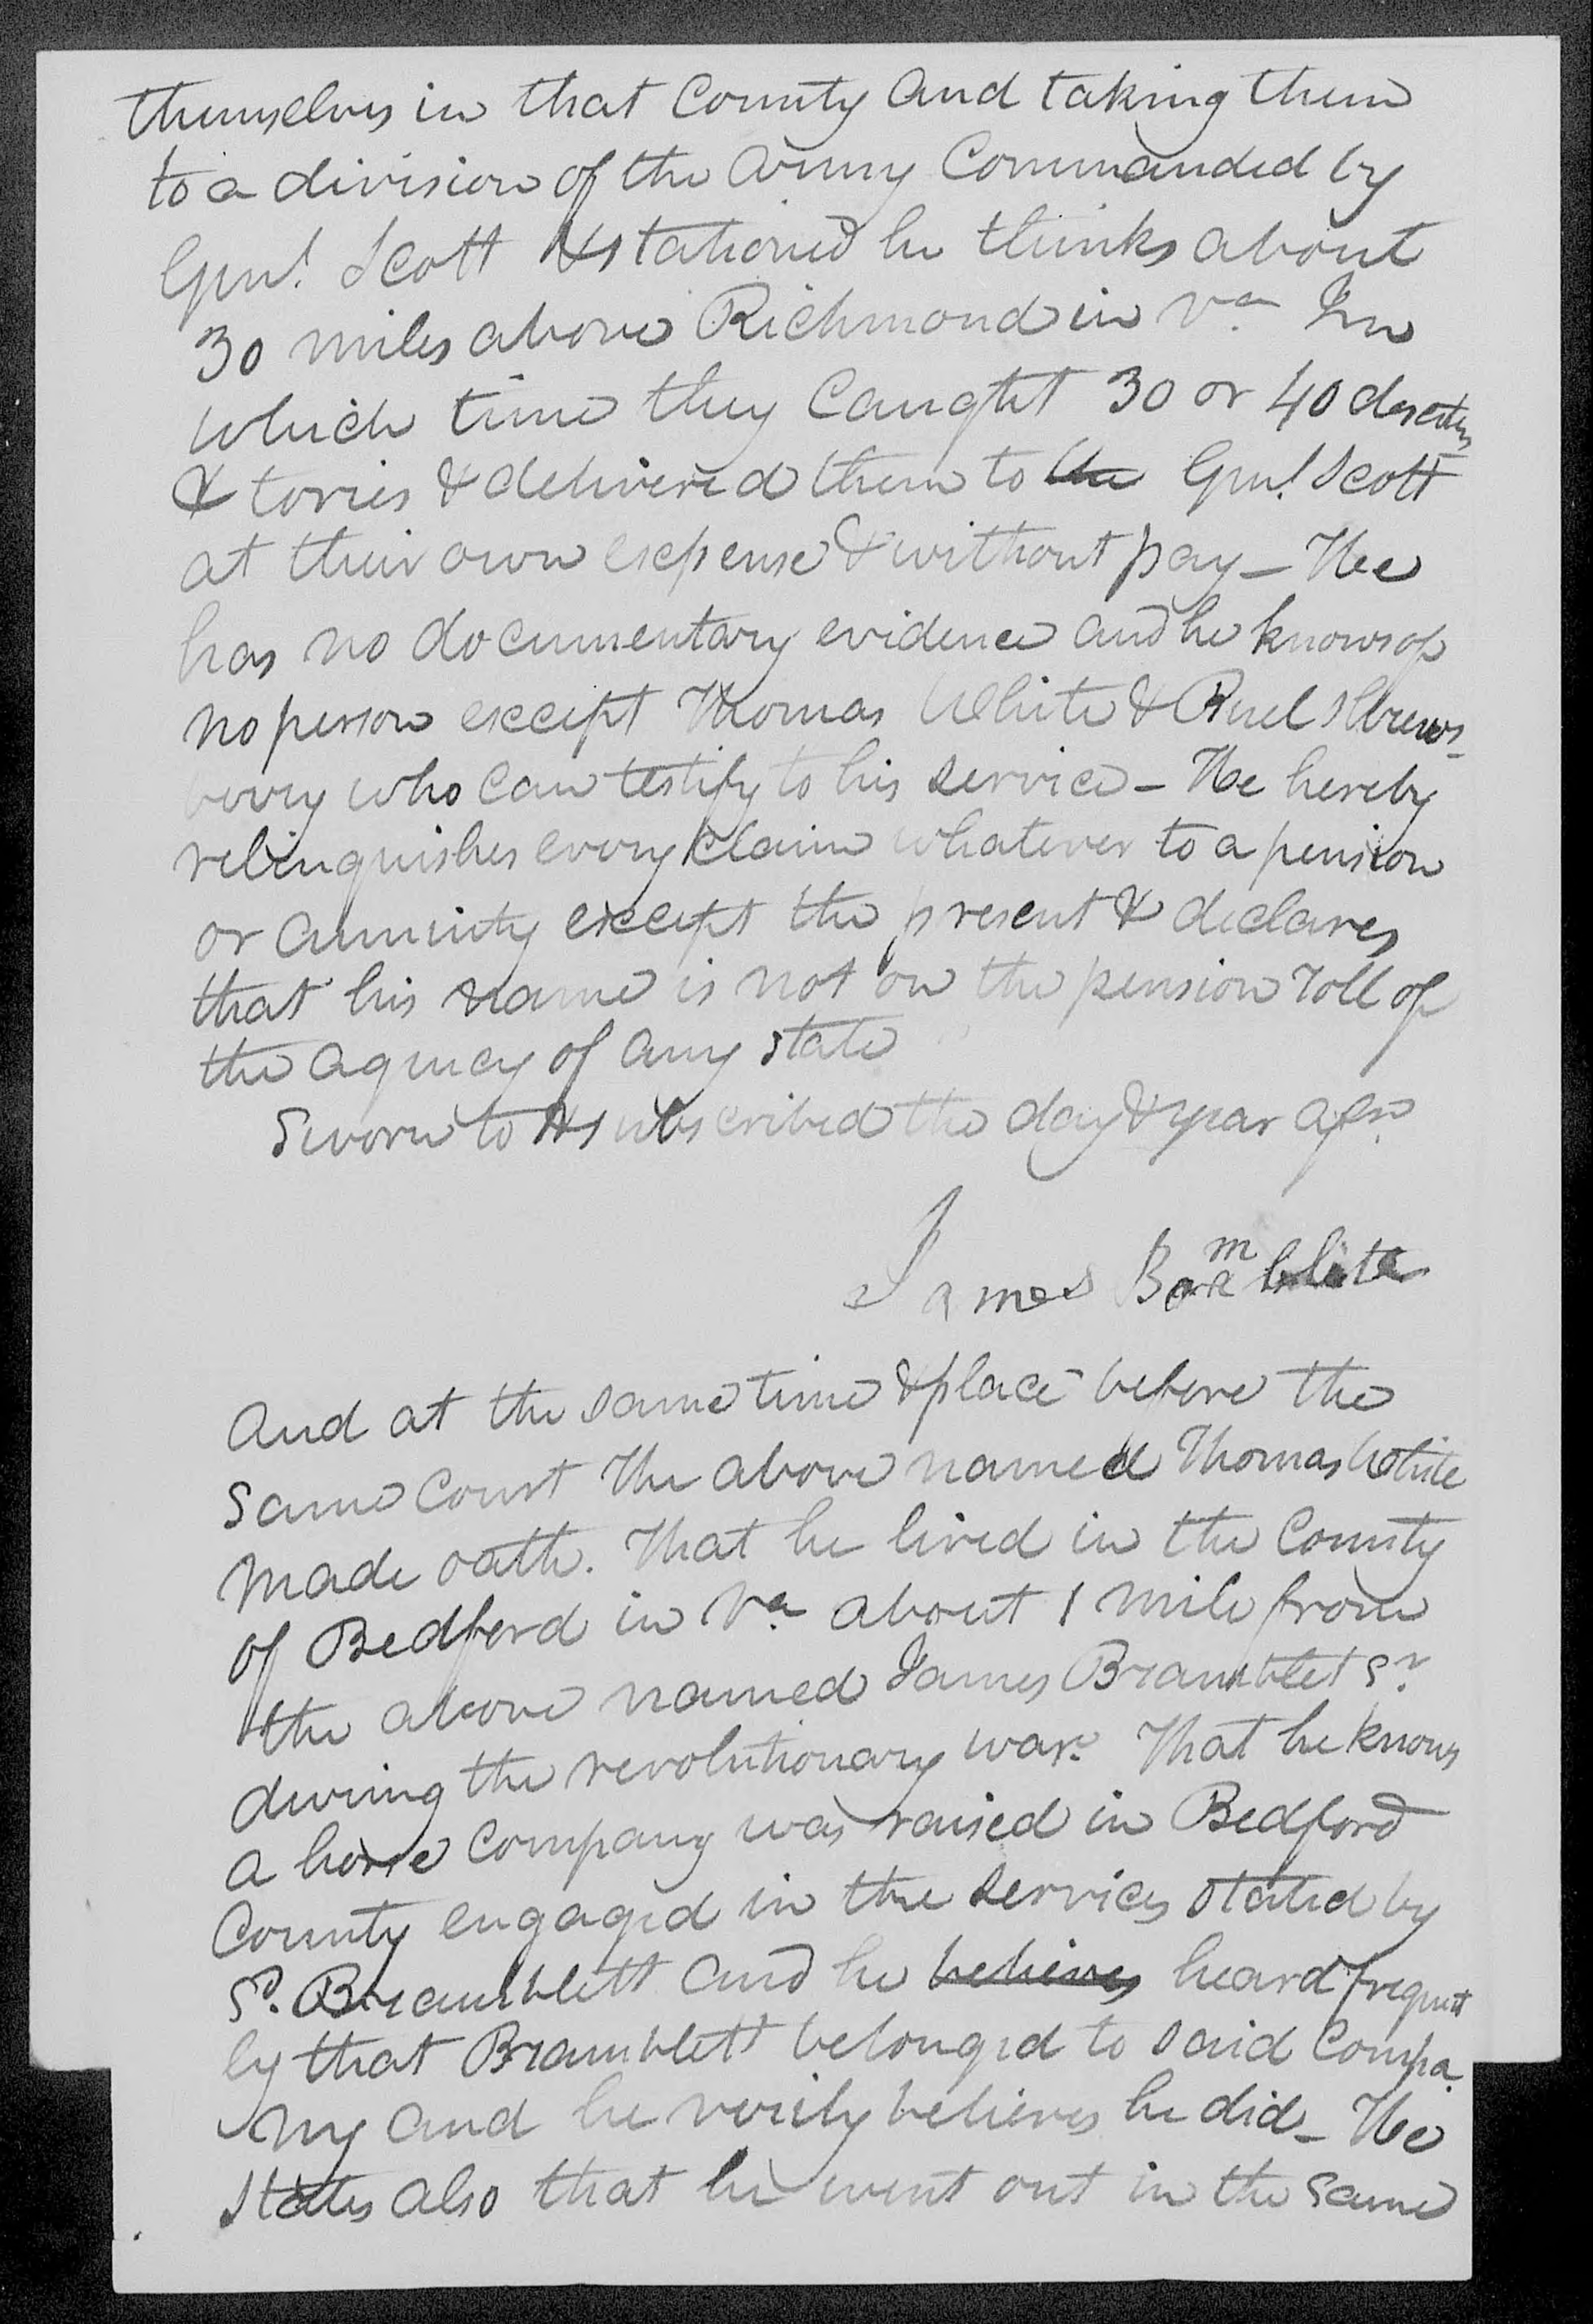[Declaration page 3]

themselves in that County and taking them to a division of the army commanded by Genl. [Charles] Scott & stationed he thinks about 30 miles above Richmond in Va [Virginia]. In which time they caught 30 or 40 deserters & tories & delivered them to Genl. [Charles] Scott at their own expense & without pay- 

He has no documentary evidence and he knows of no person except Thomas White & Ruel [illegible] who can testify to his service- He hereby relinquishes every claim whatever to a pension or annuity except the present & declares that his name is not on the pension roll of the agency of any state

Sworn to & subscribed the day & year afsd [aforesaid] 
[signed] James Bramblett

And at the same time & place before the same court the above named Thomas White made oath. That he lived in the County of Bedford in Va. about 1 mile from the above named James Bramblett Sr. during the revolutionary war. That he knows a home company was raised in Bedford County engaged in the services started by Sd. [said] Bramblett and he heard frequently that Bramblett belonged to said Company and he verily believes he did- He states also that he went out in the same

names: James Bramblet, Thomas White, James Bramblett, Scott, Thomas White, Ruel Shrewsberry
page: 5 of 30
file: S, 14,996, James Bramblett, Va.